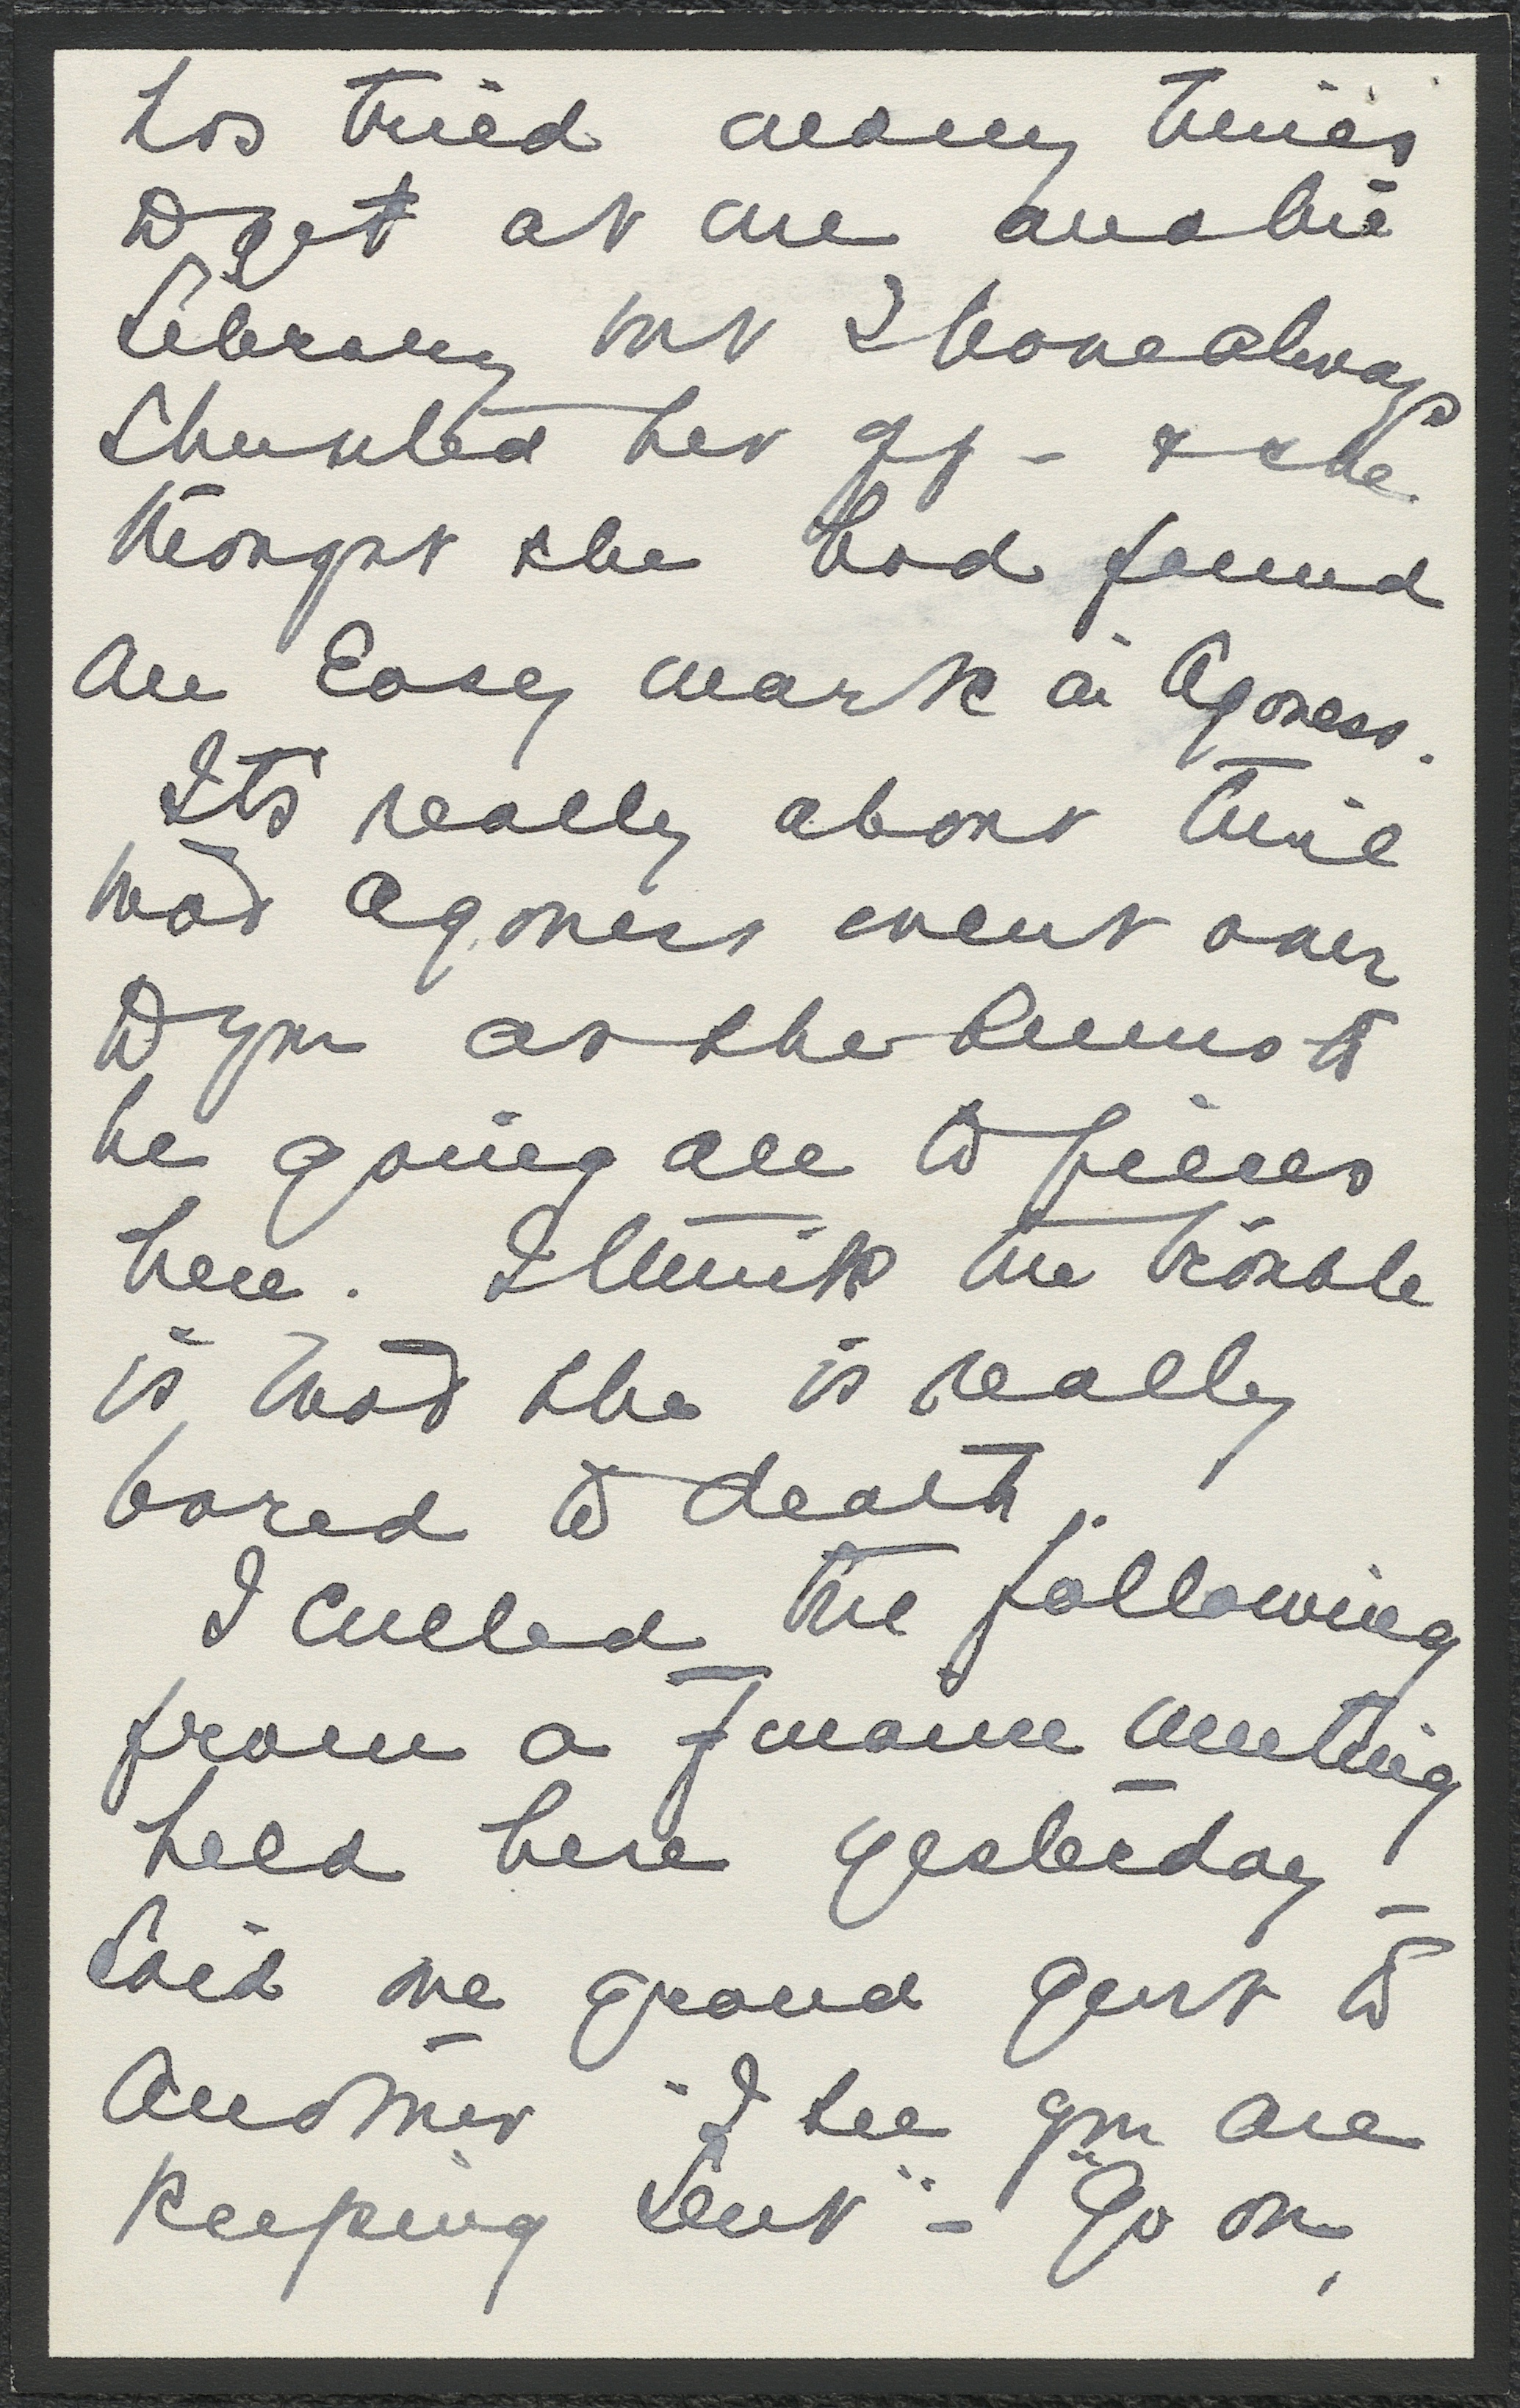has tried many times to get at me and the Library but I have always shunted her off – & she thought she had found an easy mark in Agoness. It’s really about time that Agoness went over to you as she seems to be going all to pieces here. I think the trouble is that she is really bored to death.
I culled the following from a Finance meeting held here yesterday – said one grand gent to another “I see you are keeping Sent” – “Go on,